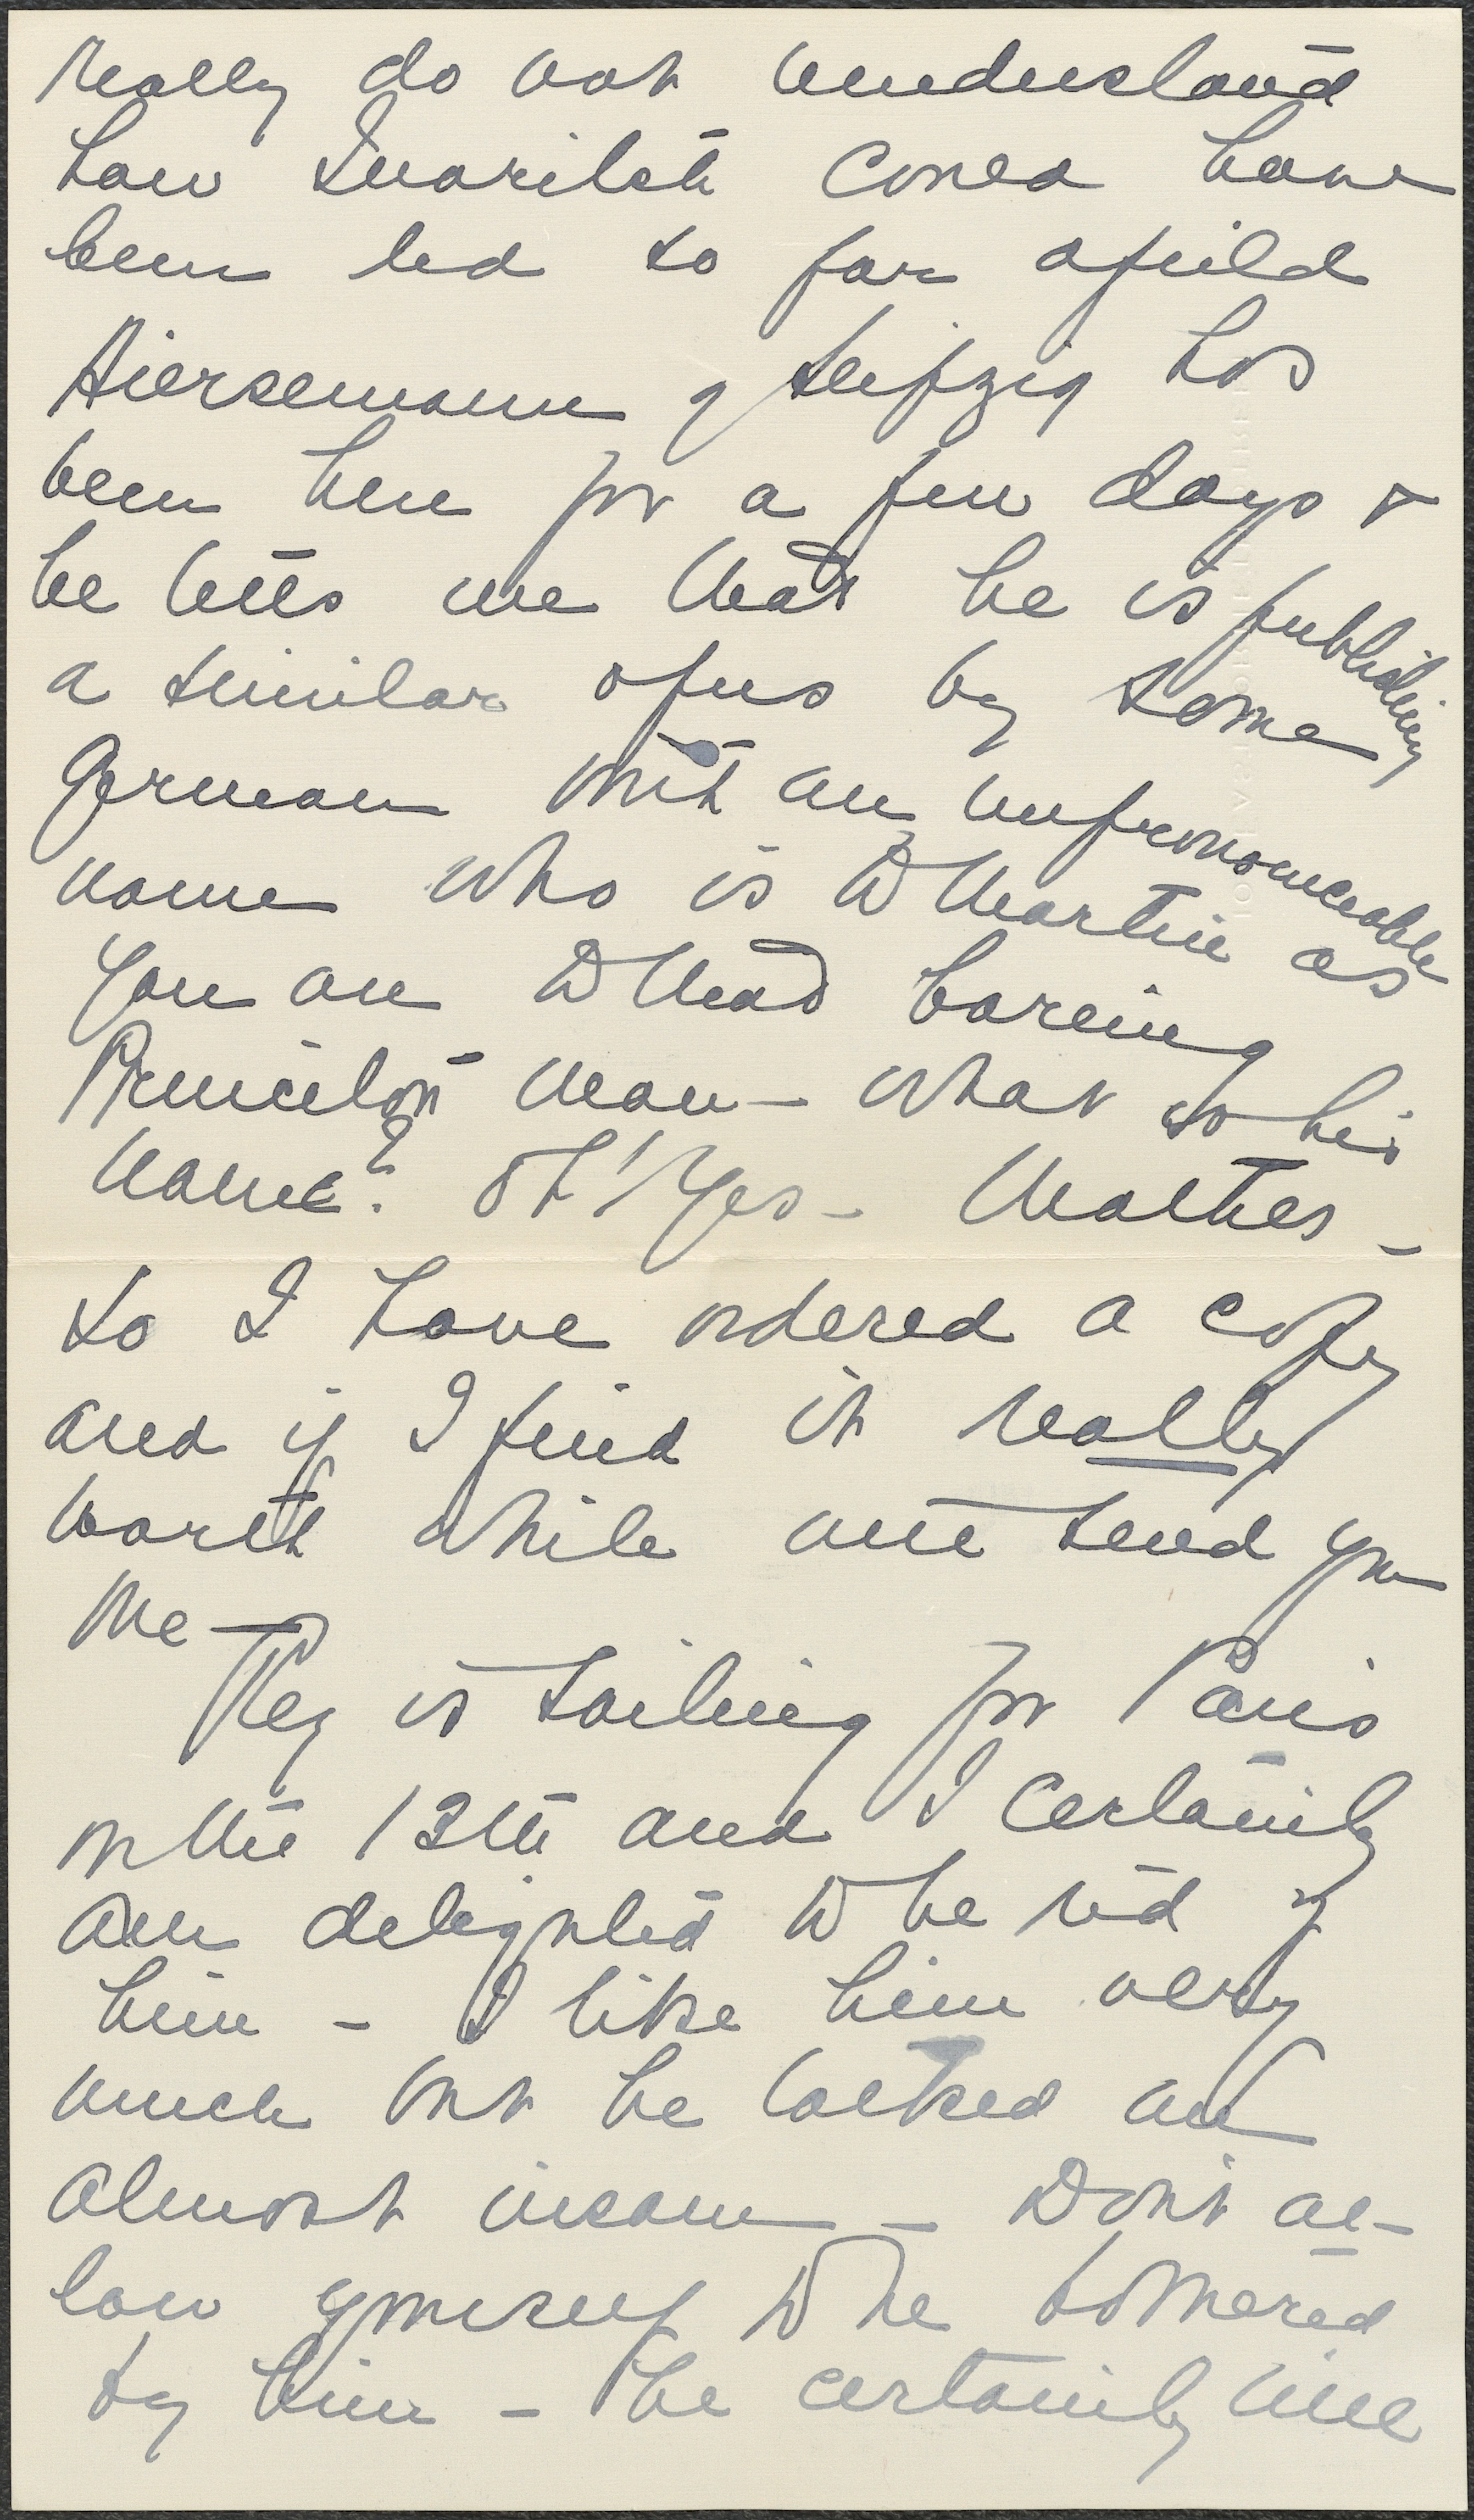really do not understand how Quaritch could have been led so far afield Hiersemann of Leipzig has been here for a few days & he tells me that he is publishing a similar opus by some German with an unpronounceable name who is to Martin as you are to that boreing [sic] Princeton man – what is his name? oh! yes – Mather – so I have ordered a copy and if I find it really worth while will send you one –
Rey is sailing for Paris on the 13th and I certainly am delighted to be rid of him – I like him very much but he talked me almost insane – Don’t allow yourself to be bothered by him – he certainly will